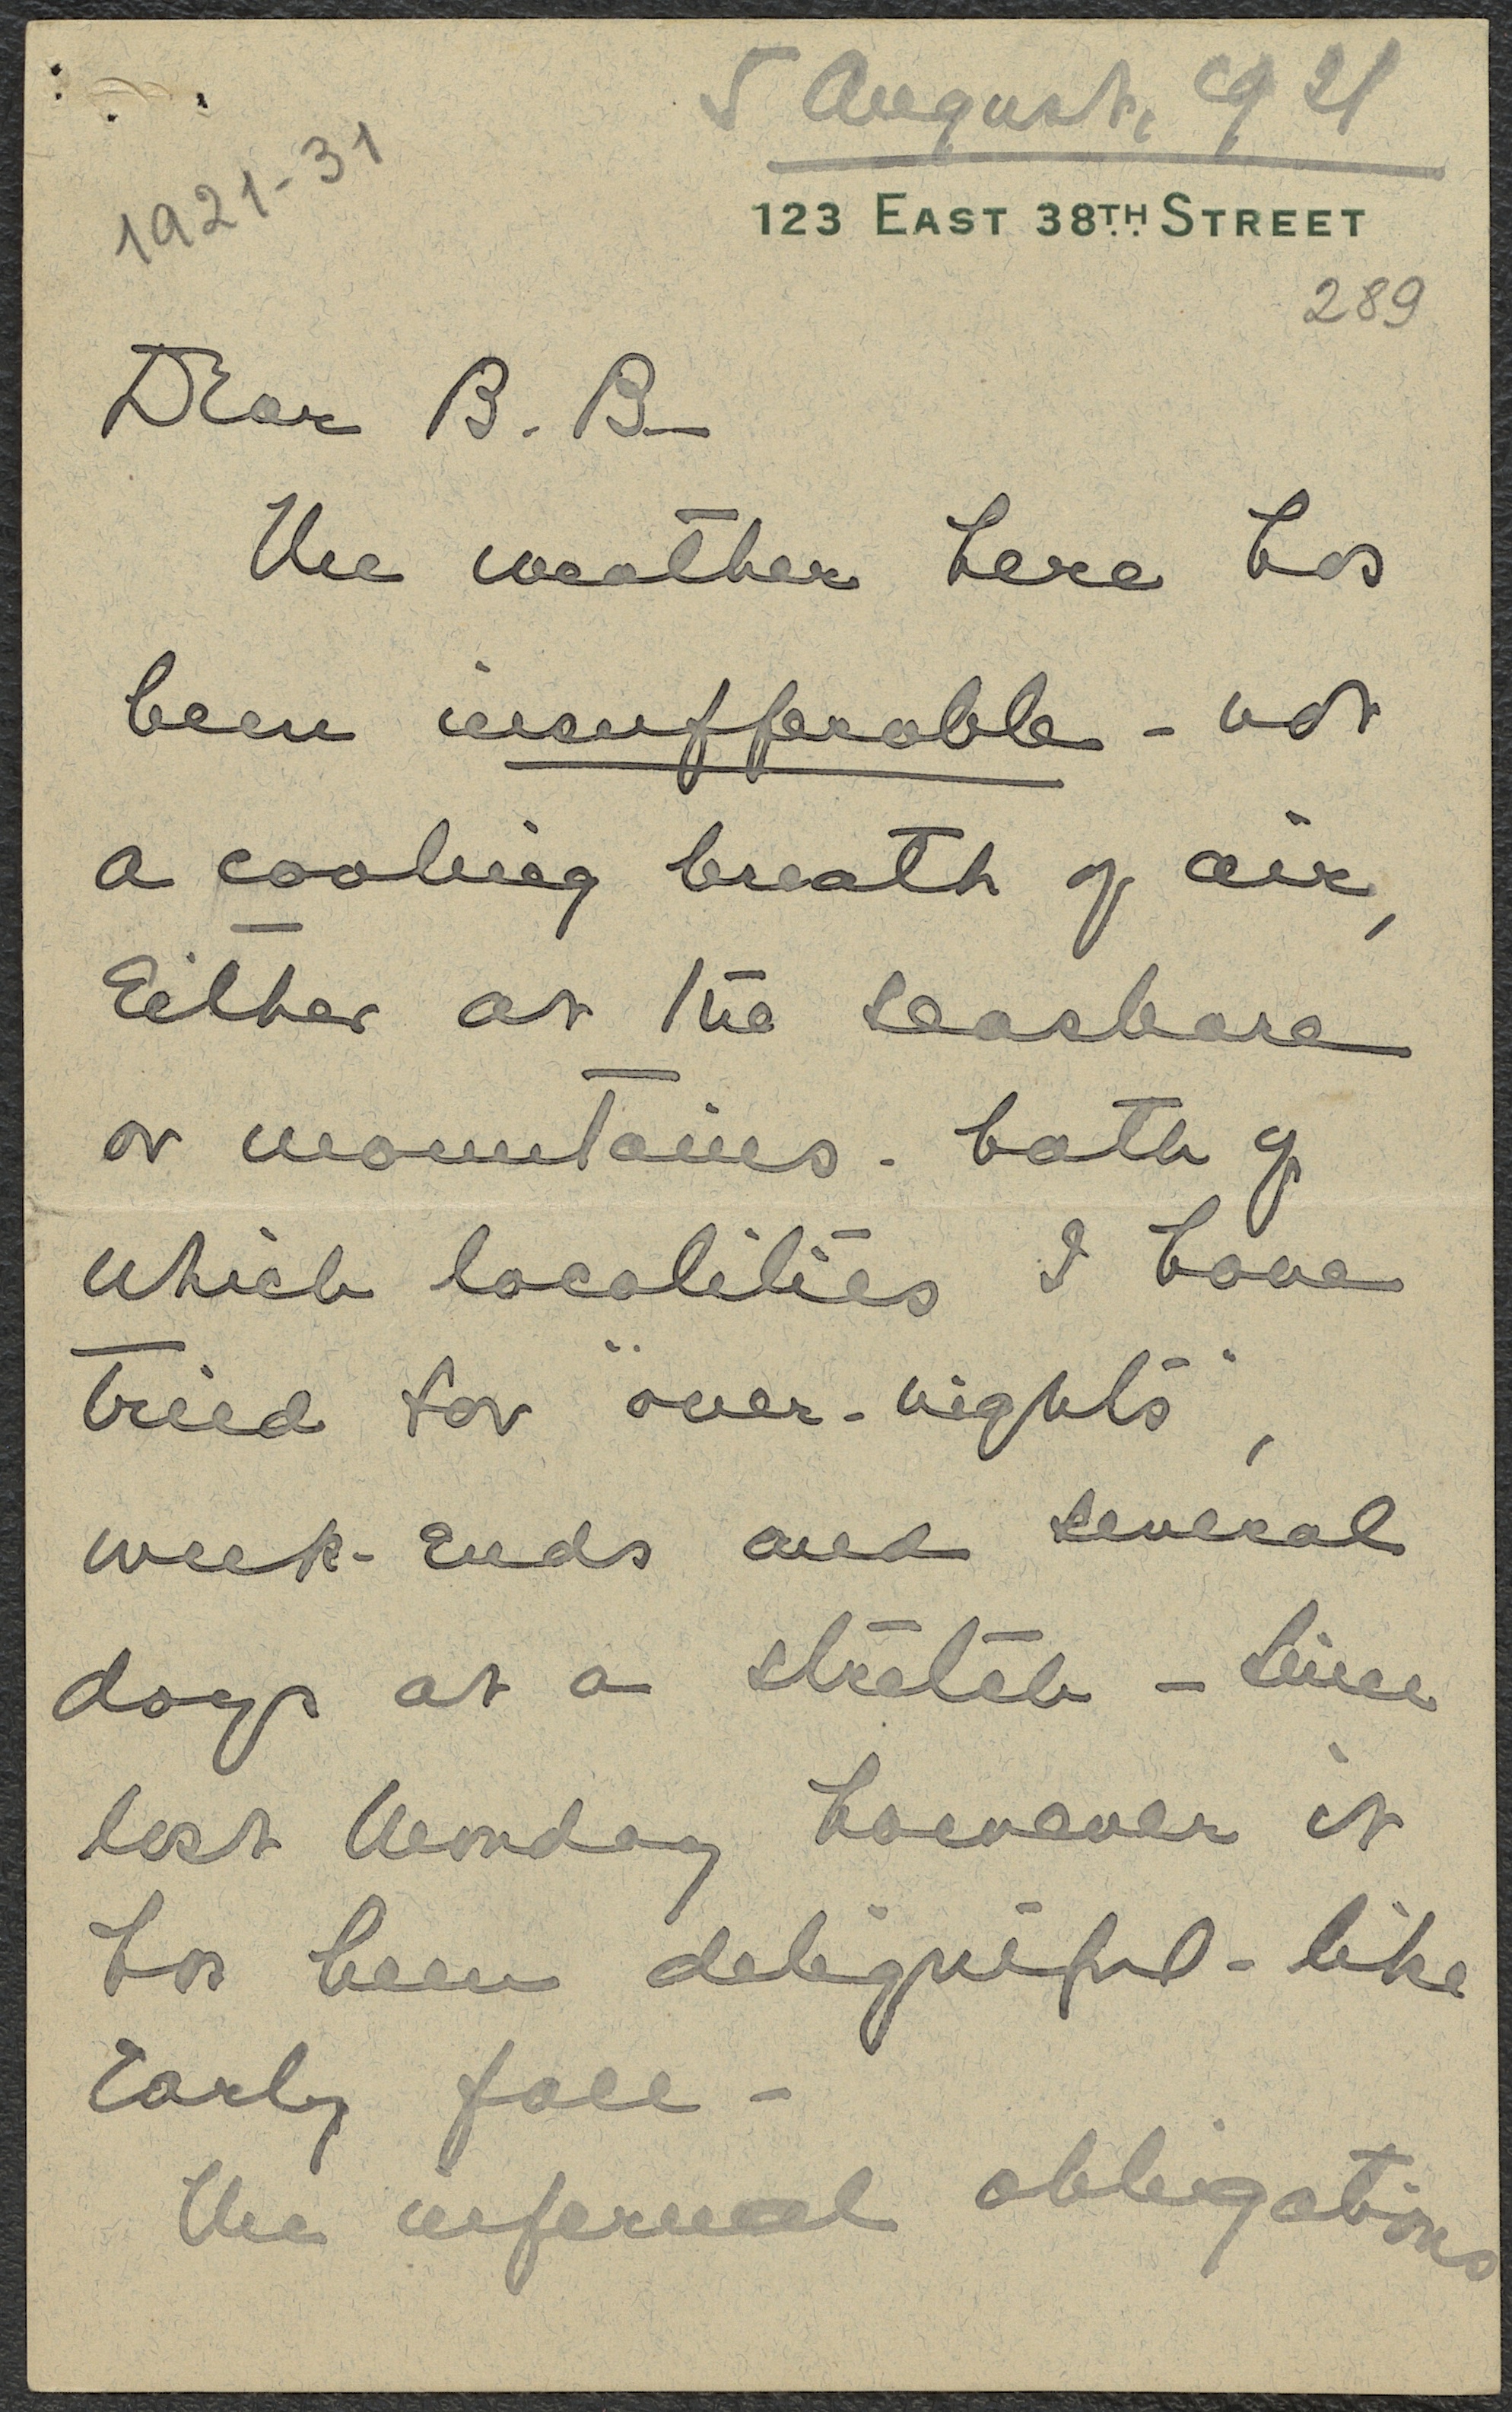5 August, 1921
Dear B.B. –
The weather here has been insufferable – not a cooling breath of air, either at the seashore or mountains – both of which localities I have tried for “over-nights”, week-ends and several days at a stretch – Since last Monday however it has been delightful – like early fall – The informal obligations